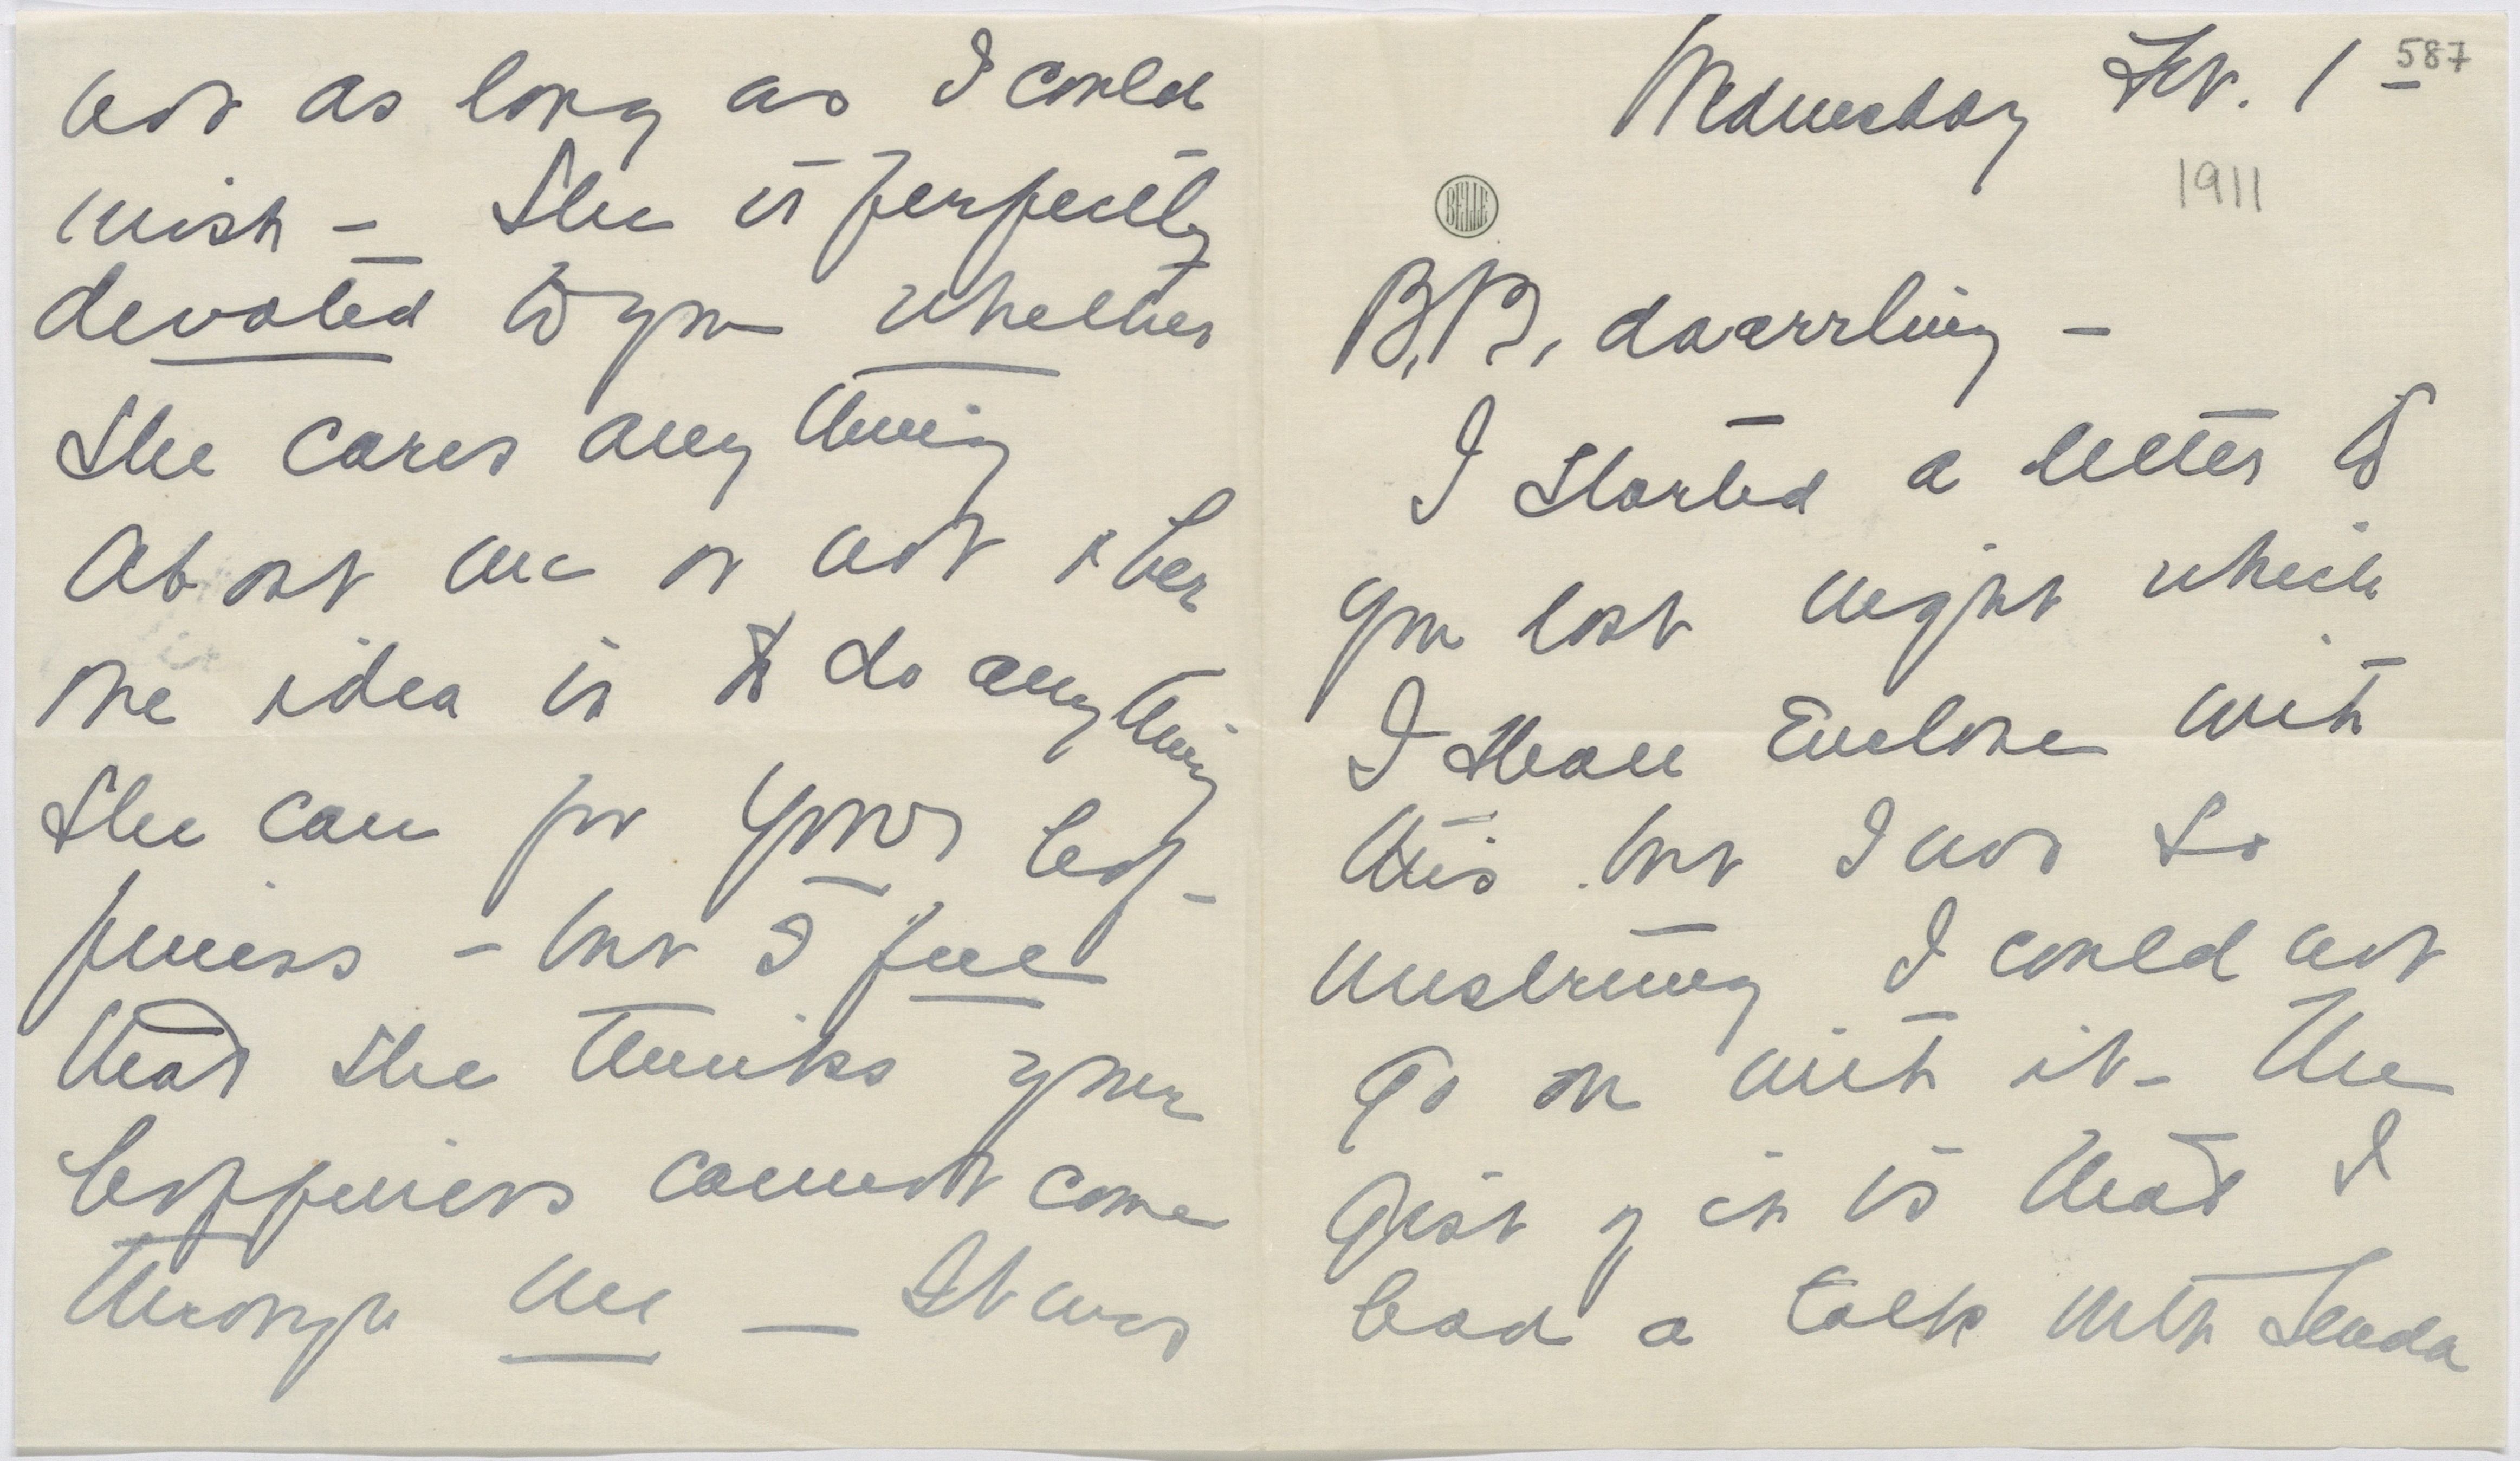Wednesday Feb. 1 –
B. B. daarrling –
I started a letter to you last night which I shall enclose with this but I was so unstrung I could not go on with it – The gist of it is that I had a talk with Senda
not as long as I could wish – She is perfectly devoted to you whether she cares any thing about me or not & her one idea is to do any thing she can for your happiness – but I feel that she thinks your happiness cannot come through me – It was